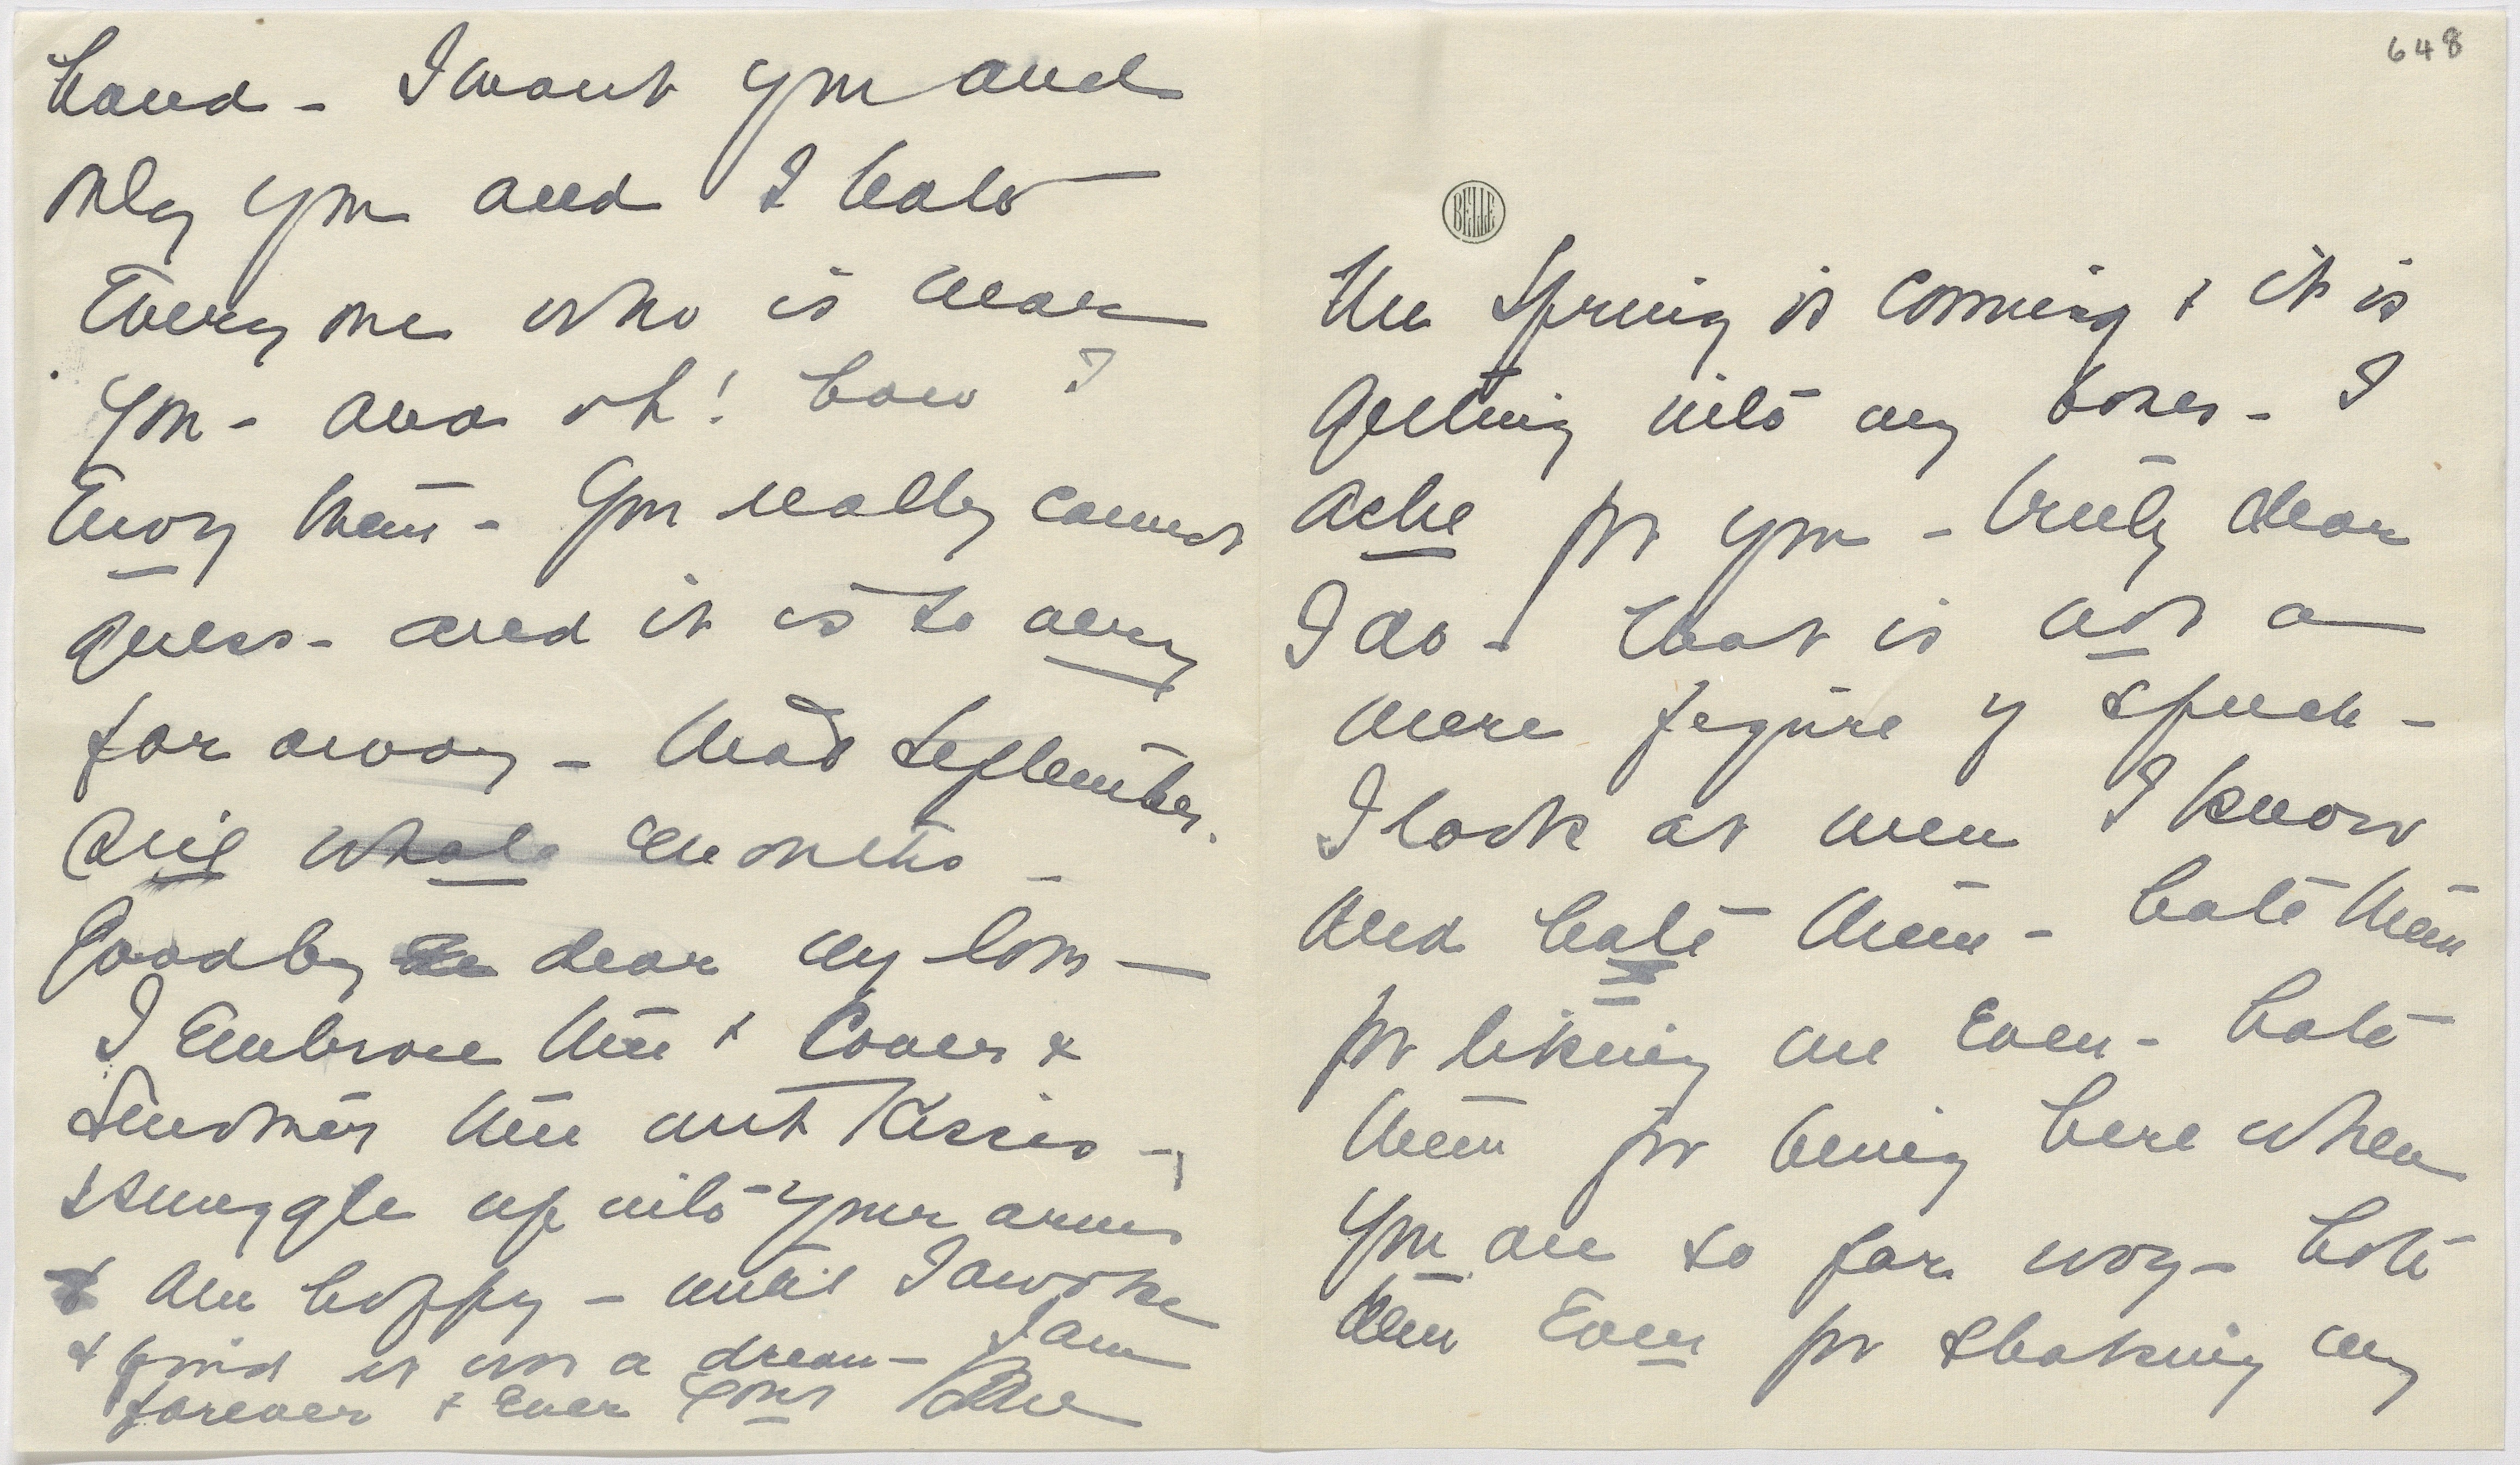The Spring is coming & it is getting into my bones – I ache for you – truly dear I do – That is not a mere figure of speech – I look at men I know and [triple underlined: hate] them – hate them for liking me even – hate them for being here when You are so far away – hate them even for shaking my
hand – I want you and only you and I hate Every one who is near you – and oh! how I envy them – You really cannot guess – and it is so very far away – that September. six whole months –
Goodby m dear my love – I embrace thee & cover & smother thee with kisses – & snuggle up into your arms & am happy – until I awake & find it was a dream – I am forever & ever your Belle